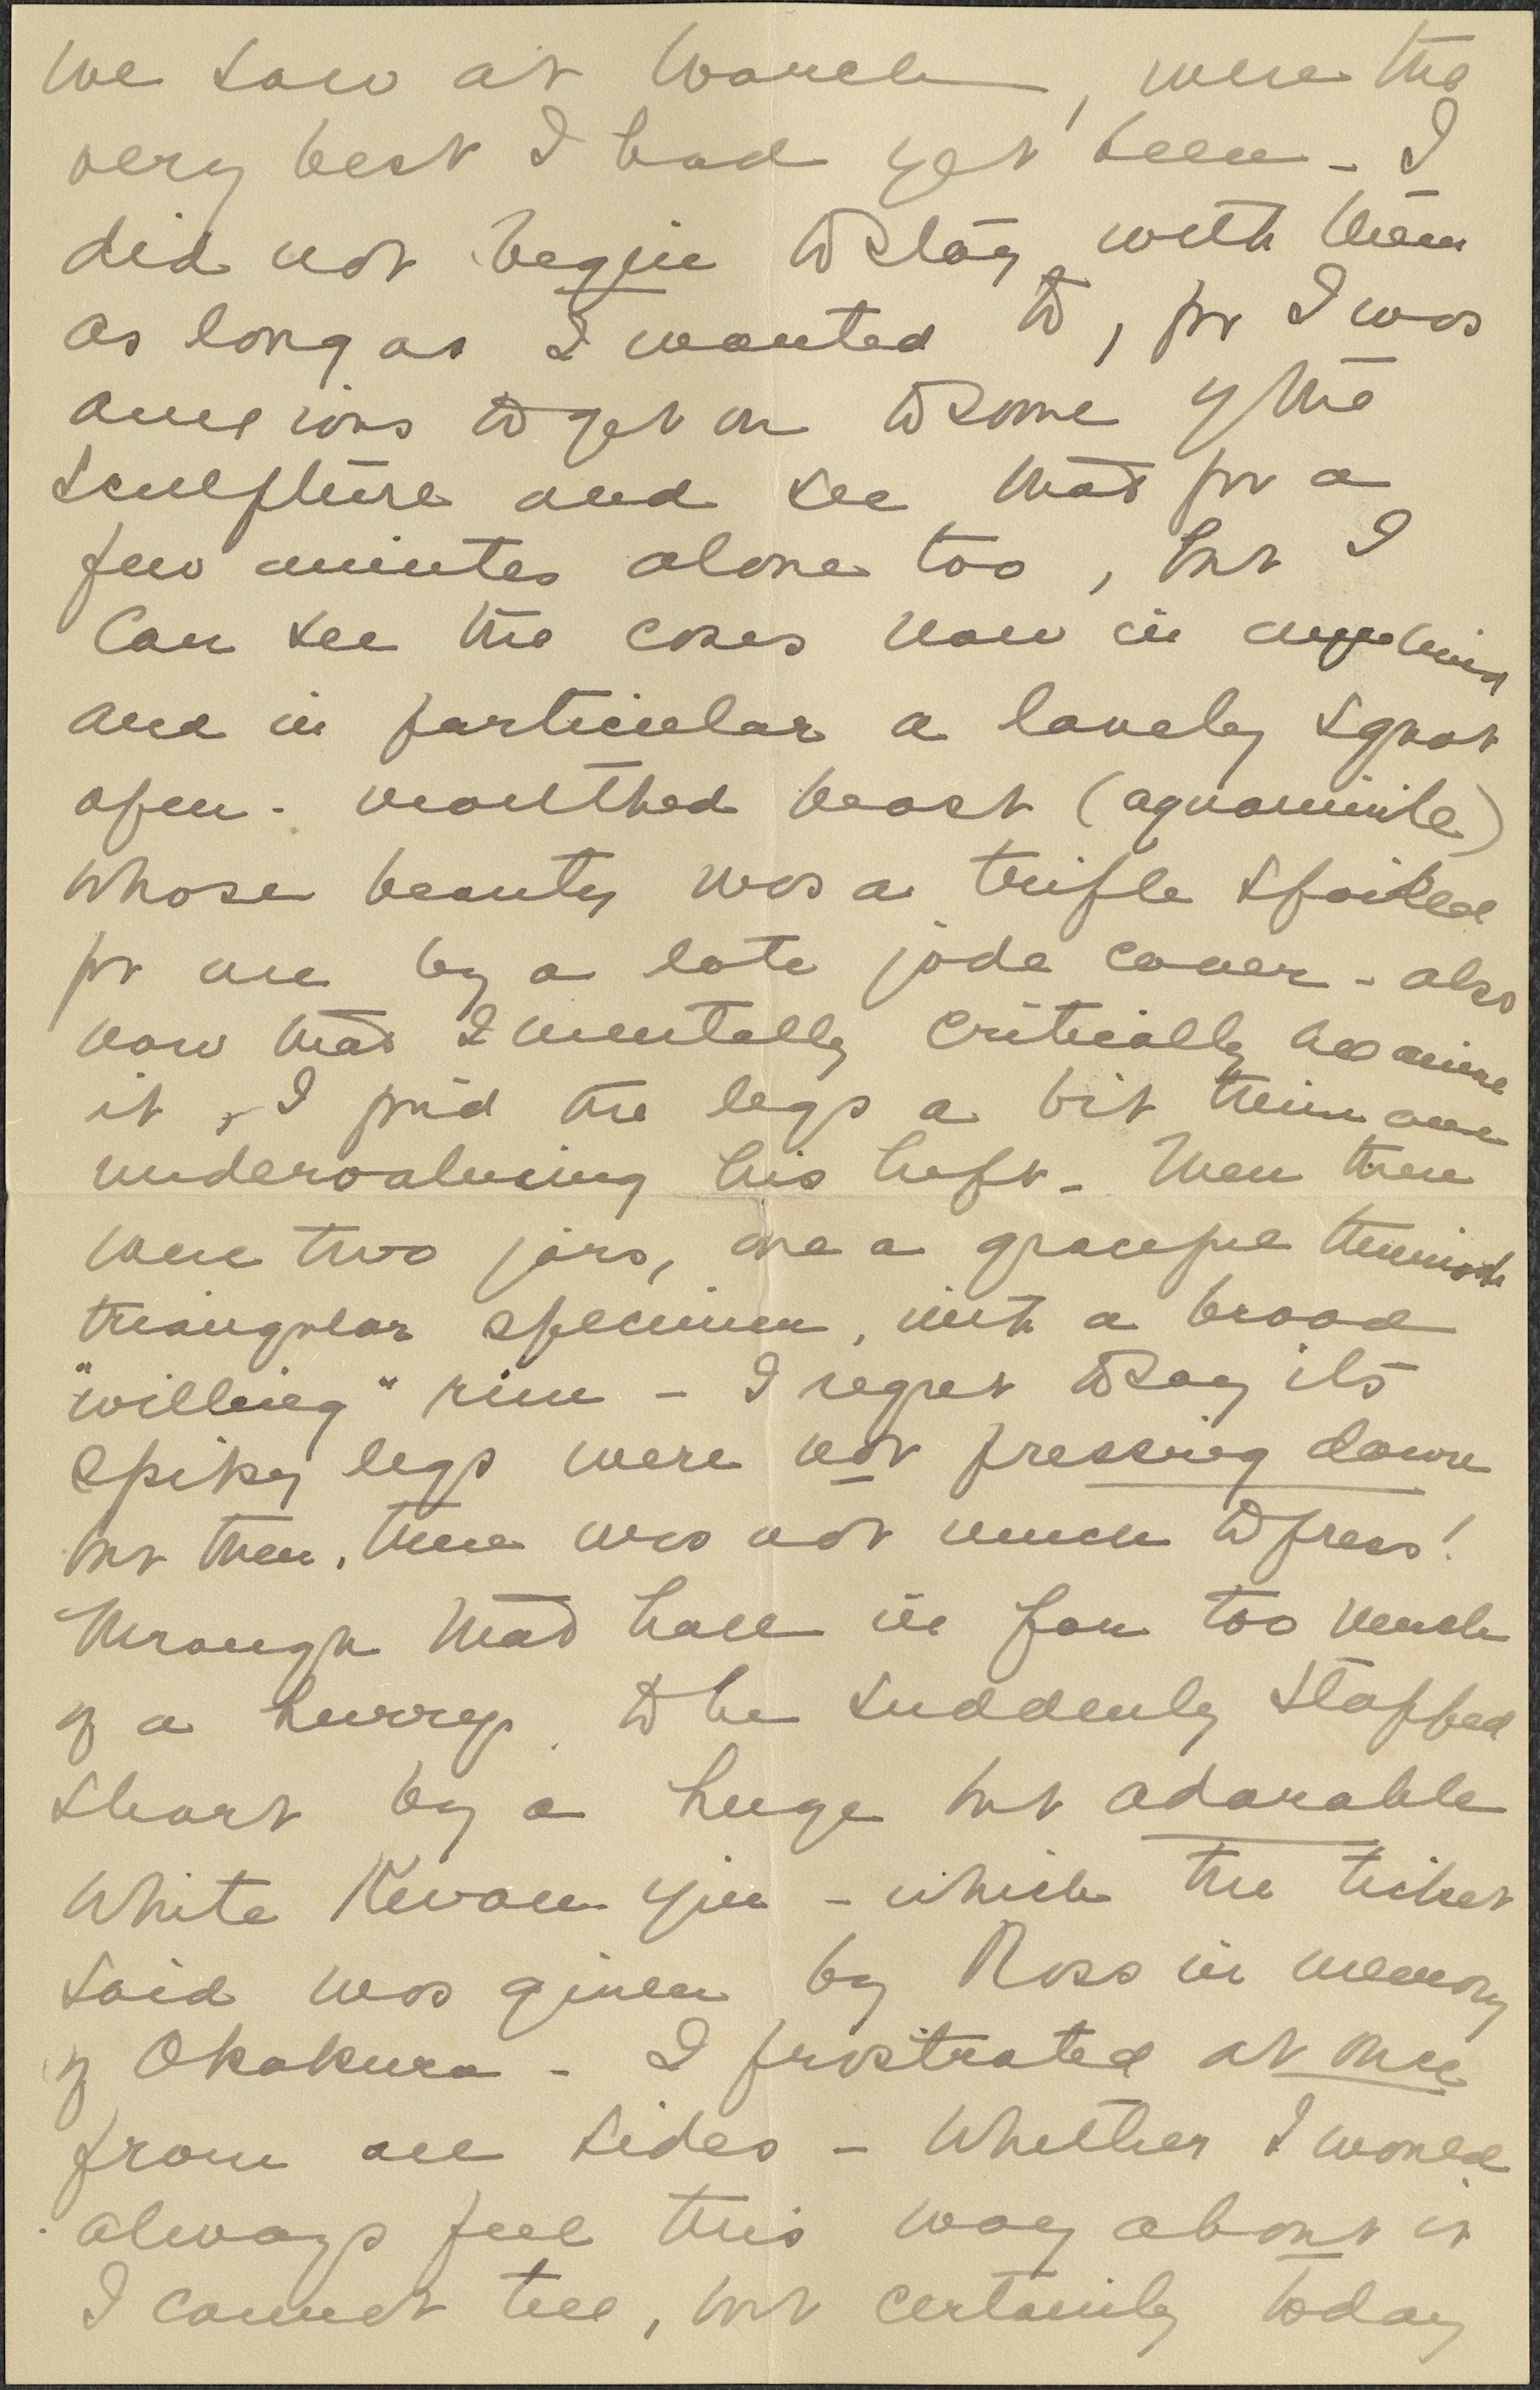we saw at Worch, were the very best I had yet seen – I did not begin to stay with them as long as I wanted to, for I was anxious to get on to some of the sculpture and see that for a few minutes alone too, but I can see the cases now in my mind and in particular a lovely squat open-mouthed beast (aquaminile) whose beauty was a trifle spoiled for me by a late jade cover – also now that I mentally critically examine it, I find the legs a bit thin and undervaluing his heft – then there were two jars, one a graceful thinnish triangular specimen, with a broad “willing” rim – I regret to say its spiky legs were not pressing down but then, there was not much to press! Through that hall in far too much of a hurry to be suddenly stopped short by a huge but adorable white Kwan-yin – which the ticket said was given by Ross in memory of Okakura – I prostrated at once from all sides – whether I would always feel this way about it I cannot tell, but certainly today